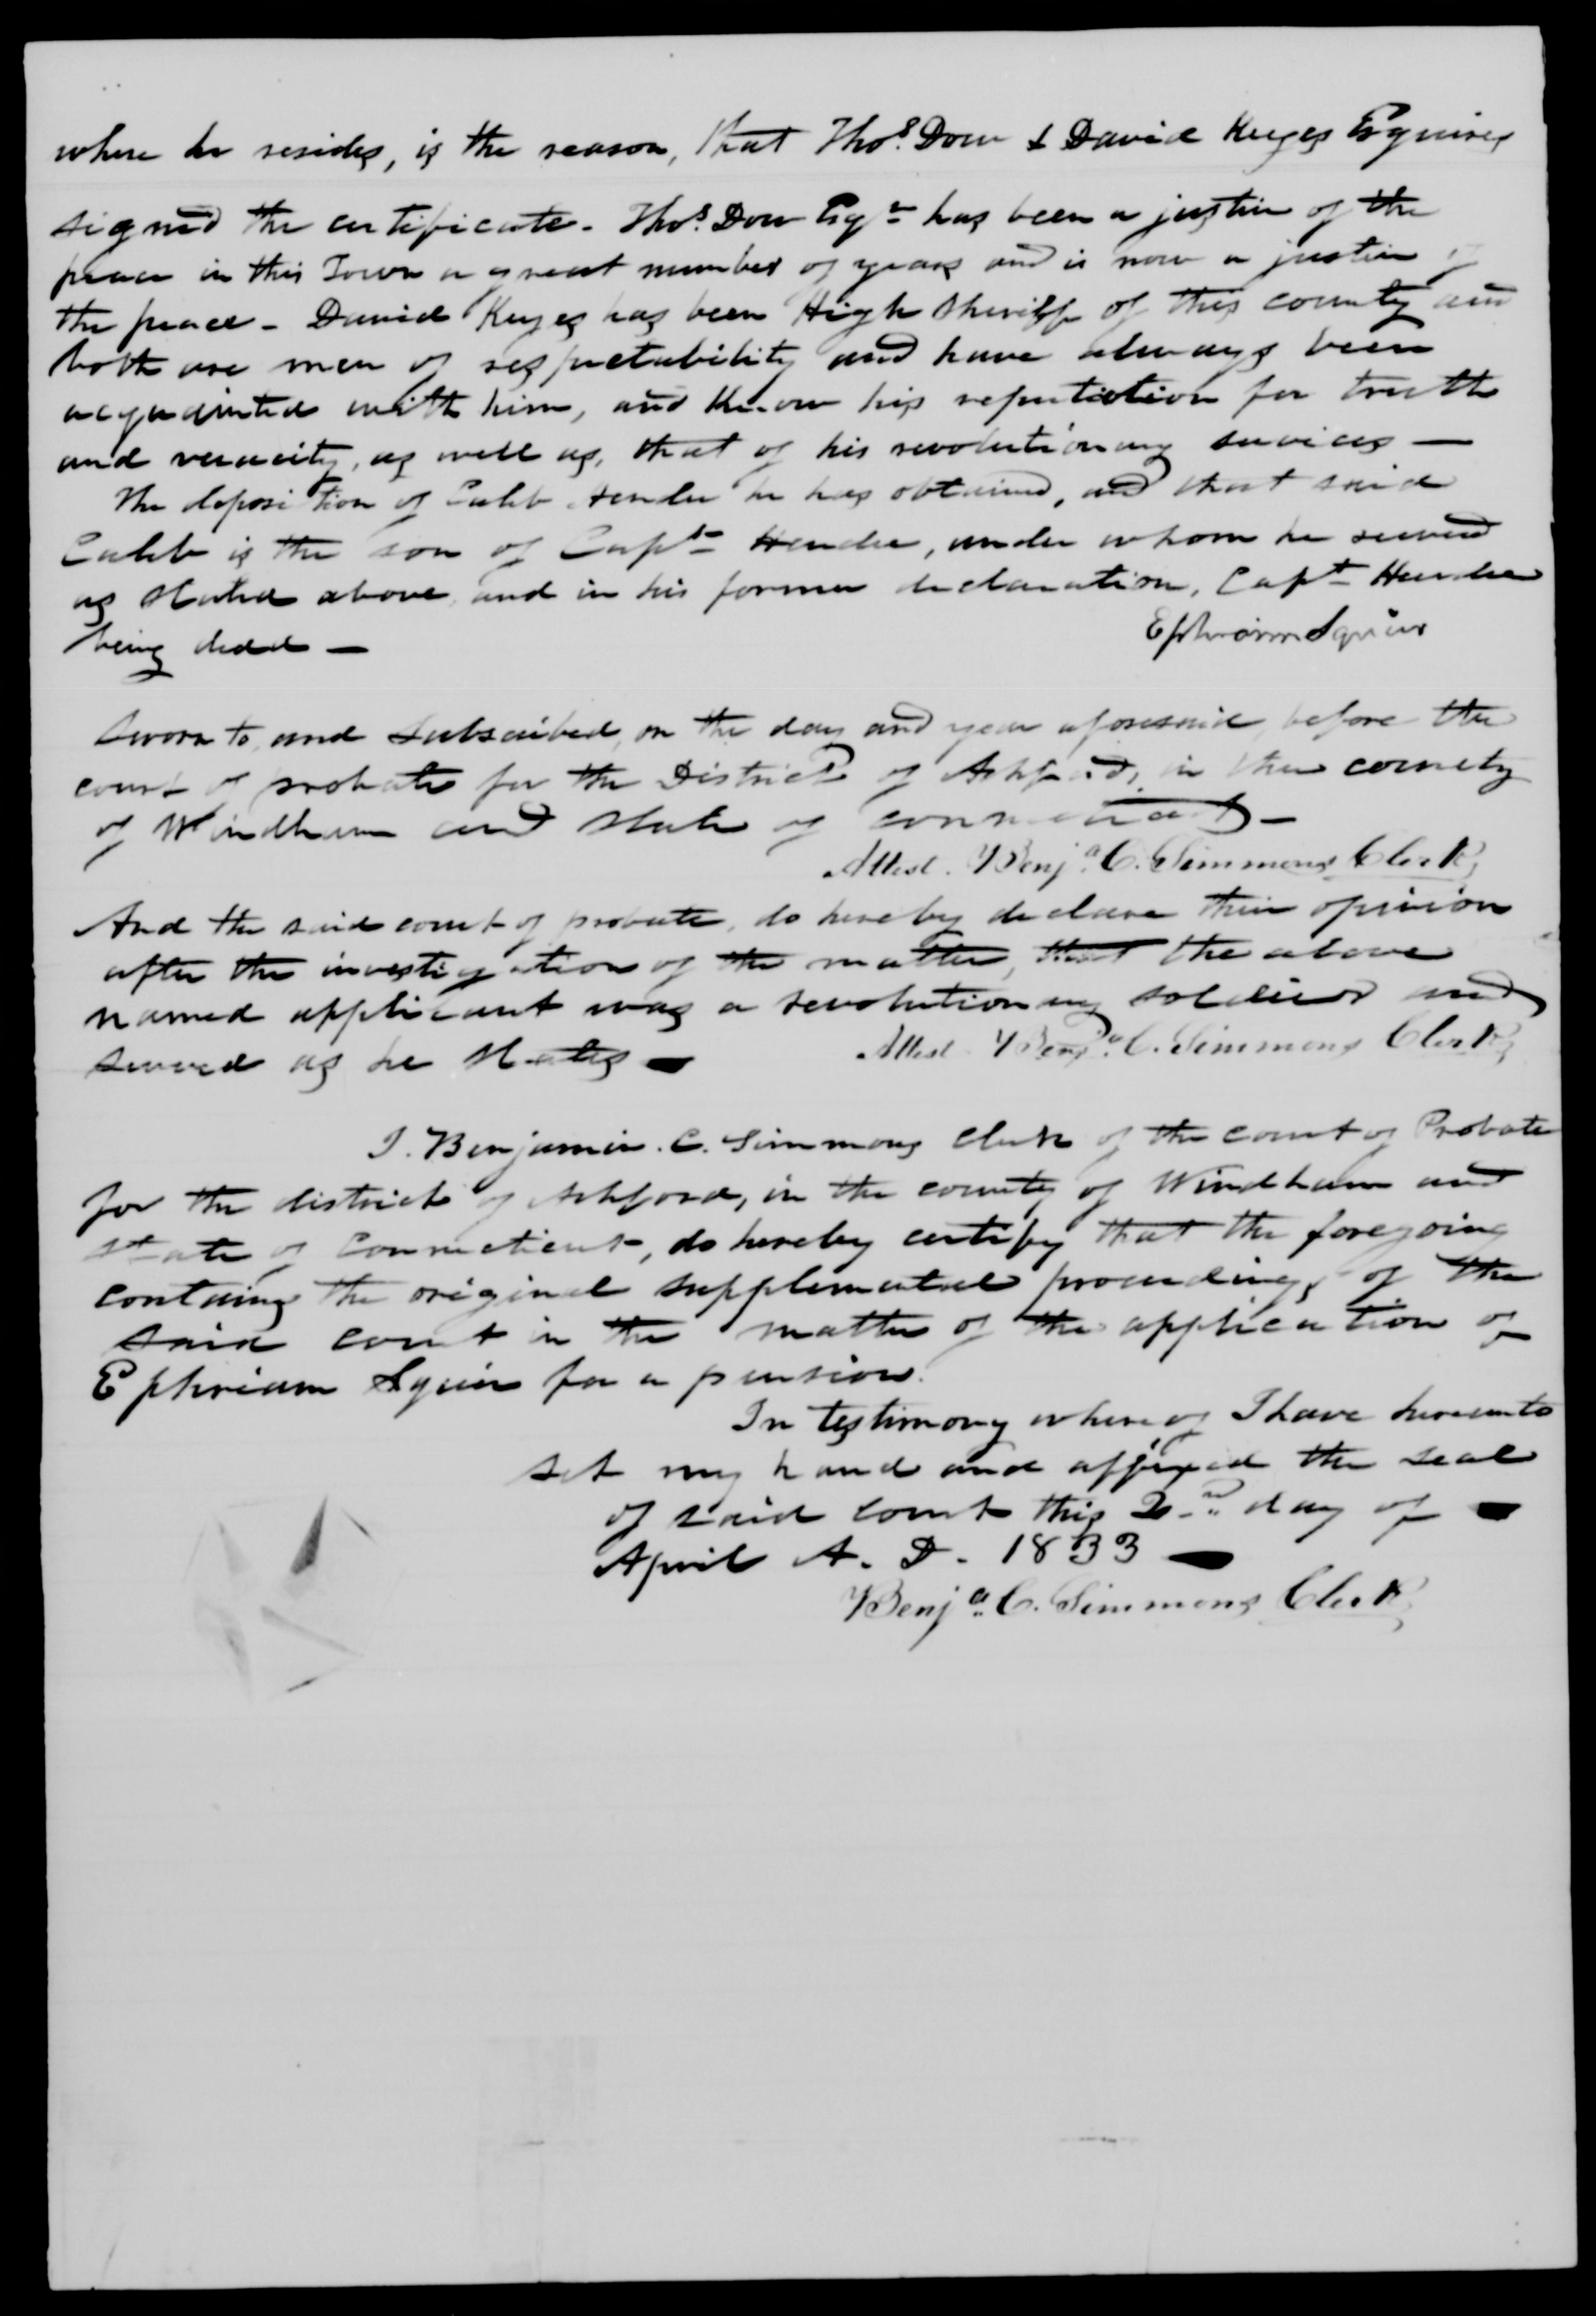where he resides, is the reason that Thos. [Thomas] Dow & David Keyes Esquire signed the certificate.  Thos. [Thomas] Dow Esq has been a justice of the peace in this town a great number of years and is now a justice of the peace.  David Keyes has been High Sheriff of this county and both are men of respectability and have always been acquainted with him, and know his reputation for truth and veracity, as well as, that of his revolutionary services -
The deposition of Caleb Hendee he has obtained and that since Caleb is the son of Capt. Hendee, under whom he served as stated above, and in his former declaration, Capt. Hendee being dead.
Ephraim Squire
Sworn to and subscribed on the day and year aforesaid before the court of probate for the District of Ashford, in the country of Windham and state of Connecticut.
Attest. Benj. C. Simmons Clerk
And the said court of probate do hereby declare this opinion after the investigation of the matter, that the above named applicant was a revolutionary soldier and served as he states.
Attest. Benj. C. Simmons Clerk
I, Benjamin C. Simmons Clerk of the court of Probate for the district of Ashford, in the country of Windham and State of Connecticut, do hereby certify that the foregoing contains the original supplemental proceedings of the said court in the matter of the application of Ephriam Squire for a pension.
In testimony whereof I have hereunto set my hand and affixed the seal of said court this 2nd day of April A.D. 1833.
Benj. C. Simmons Clerk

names: Benja C Simmons; Ephriam Squier; David Keyes; Benja C Simmons; Caleb [BLANK]; [BLANK] Hender; [BLANK] Hender; Benjamin C Simmons; Thos Dow; Caleb Hender; Thos Dow; Benja C Simmons; Ephraim Squier; David Keyes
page: 7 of 70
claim: rejected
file: R. 10,026, for Ephraim Squier, Connecticut